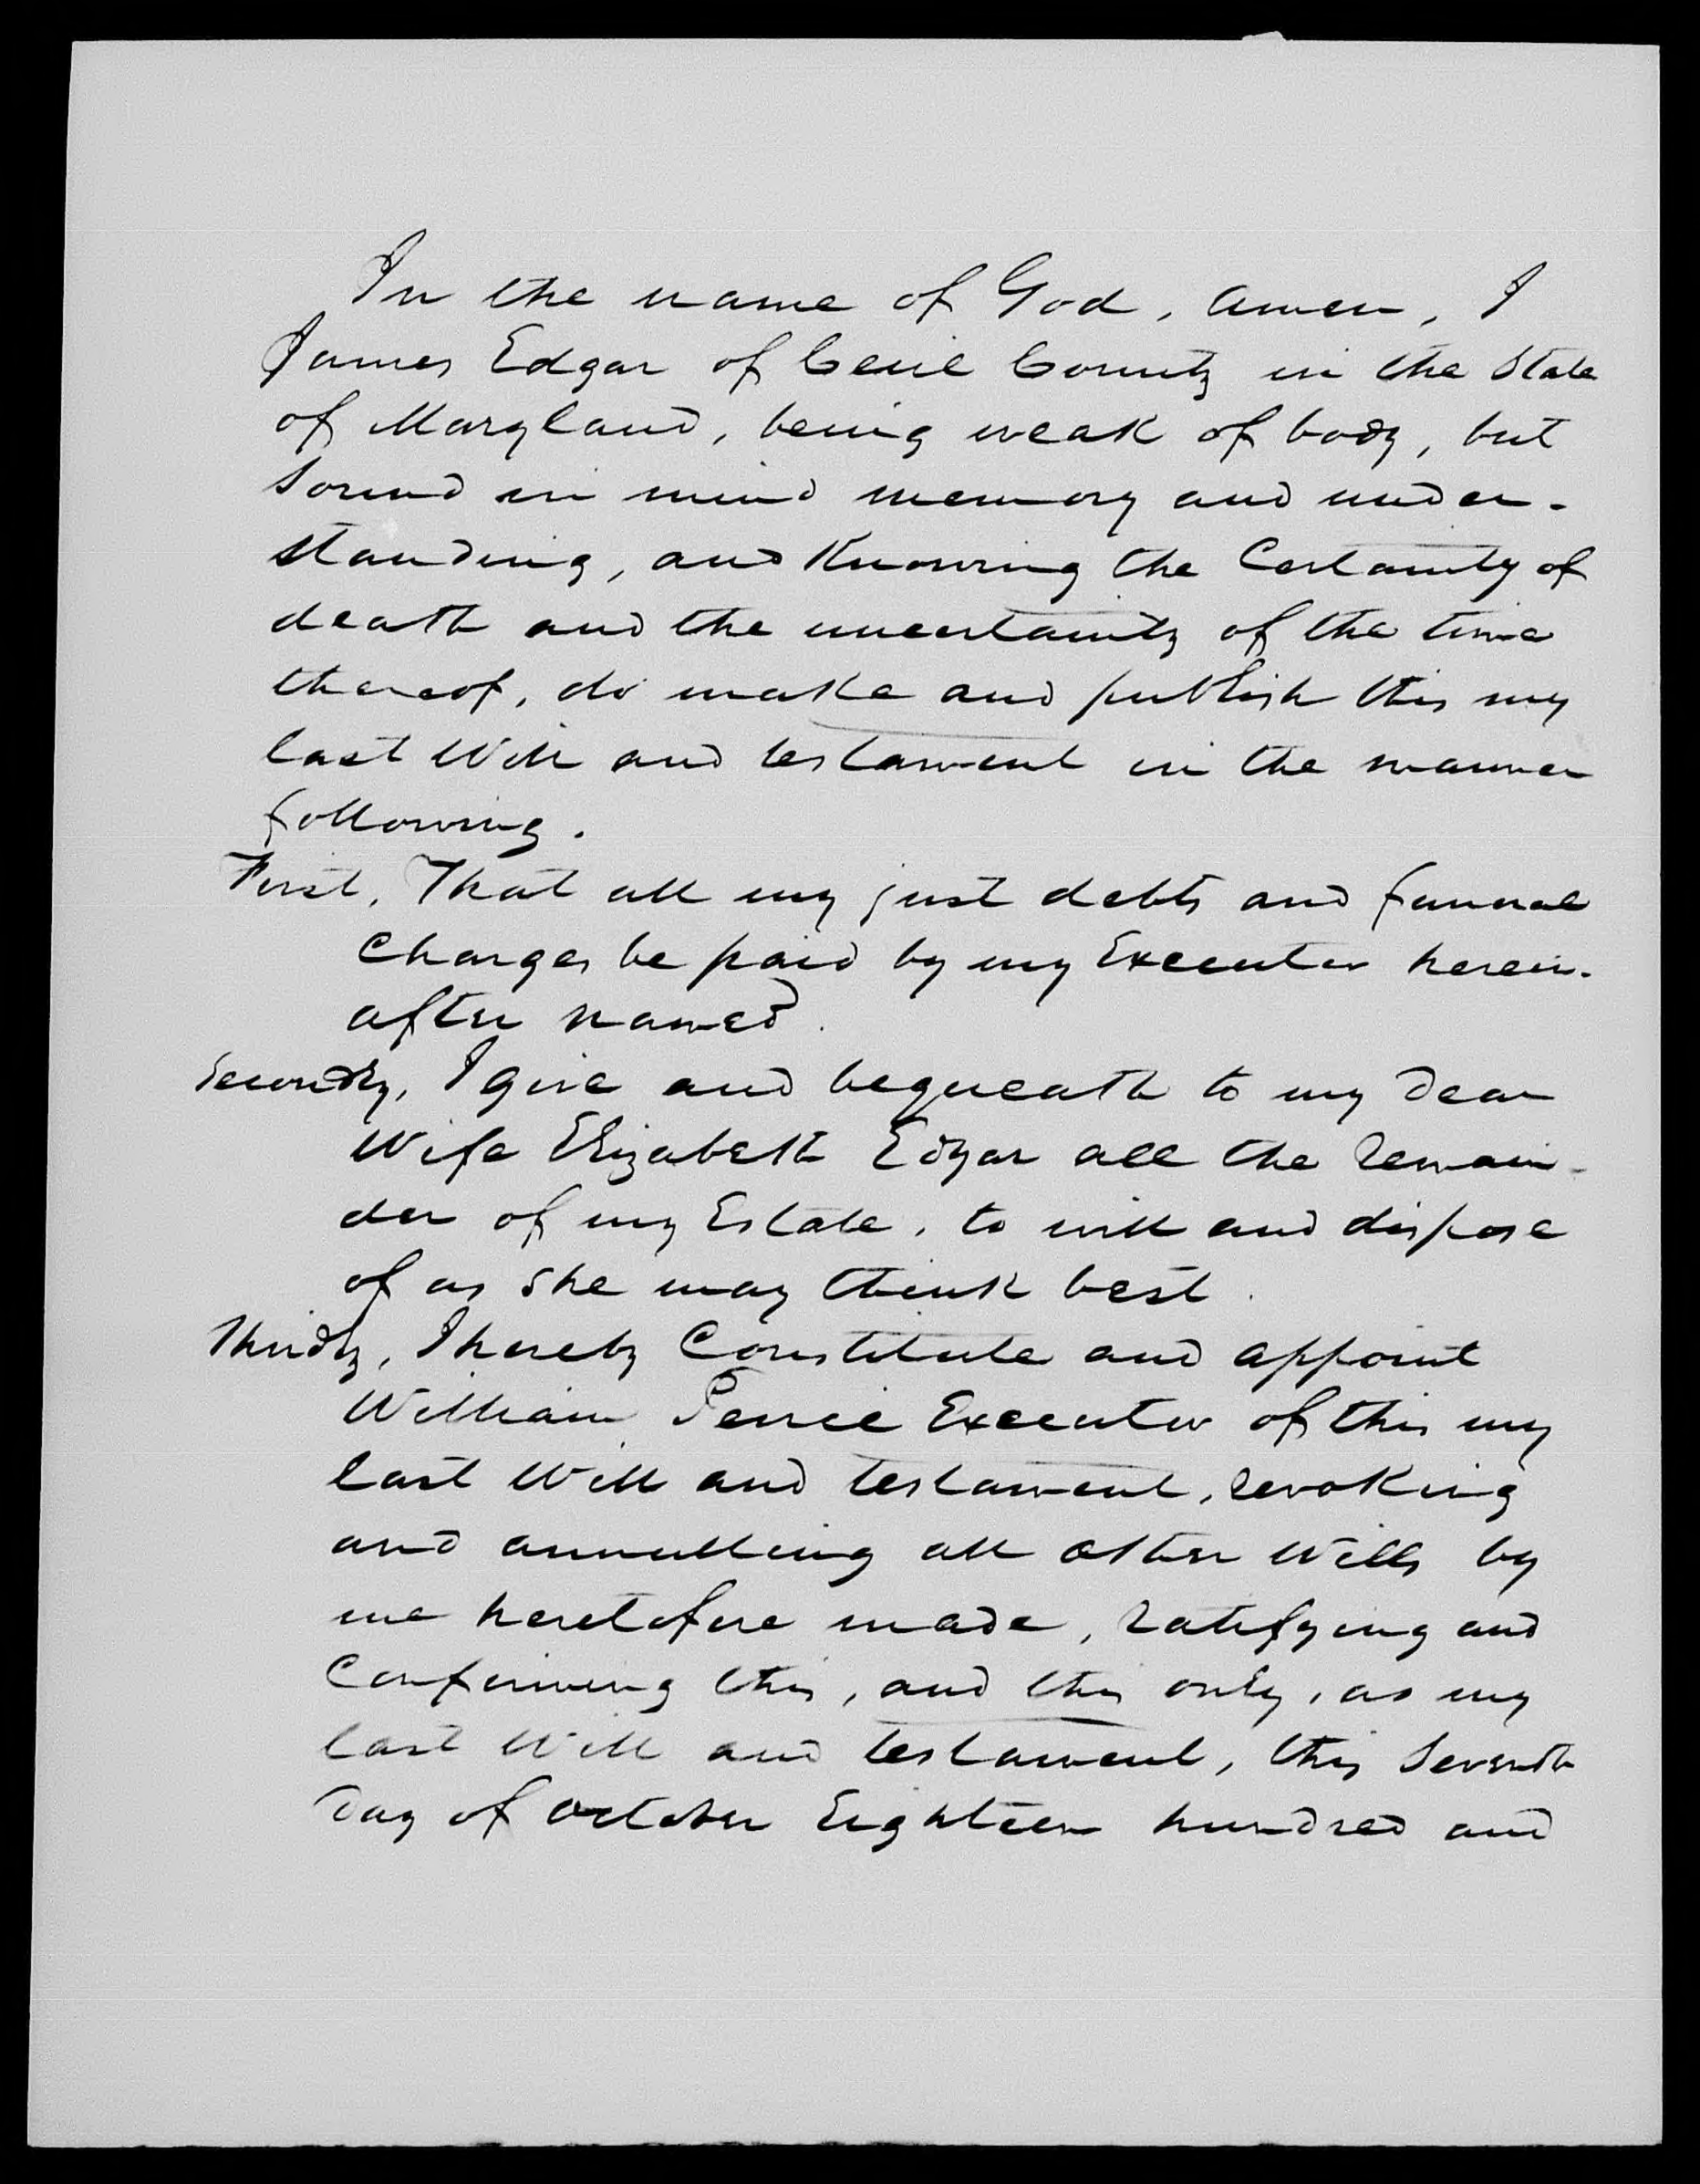In the name of God, Amen, I James Edgar of Cecil County in the State of Maryland, being weak of body, but sound in mind memory and understanding, and knowing the certainty of death and the uncertainty of the time thereof, do make and publish this very last will and testament in the manner following.

First, That all my just debts and funeral charge be paid by the Executor herein after named.

Secondly, I give and bequeath to my Dear Wife Elizabeth Edgar all the remainder of my Estate to with and dispose of as she may think best

Thirdly, I hereby constitute and appoint William Pence Executor of this my last will and testament, revoking and annulling all other wills by me herefore made, satisfying and confirming this, and this only, as my last will and testament, this Seventh Day of October Eighteen Hundred and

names: William Peirce, James Edgar, Elizabeth Edgar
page: 22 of 74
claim: widow's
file: W. 9422, James Edgar, Penn.